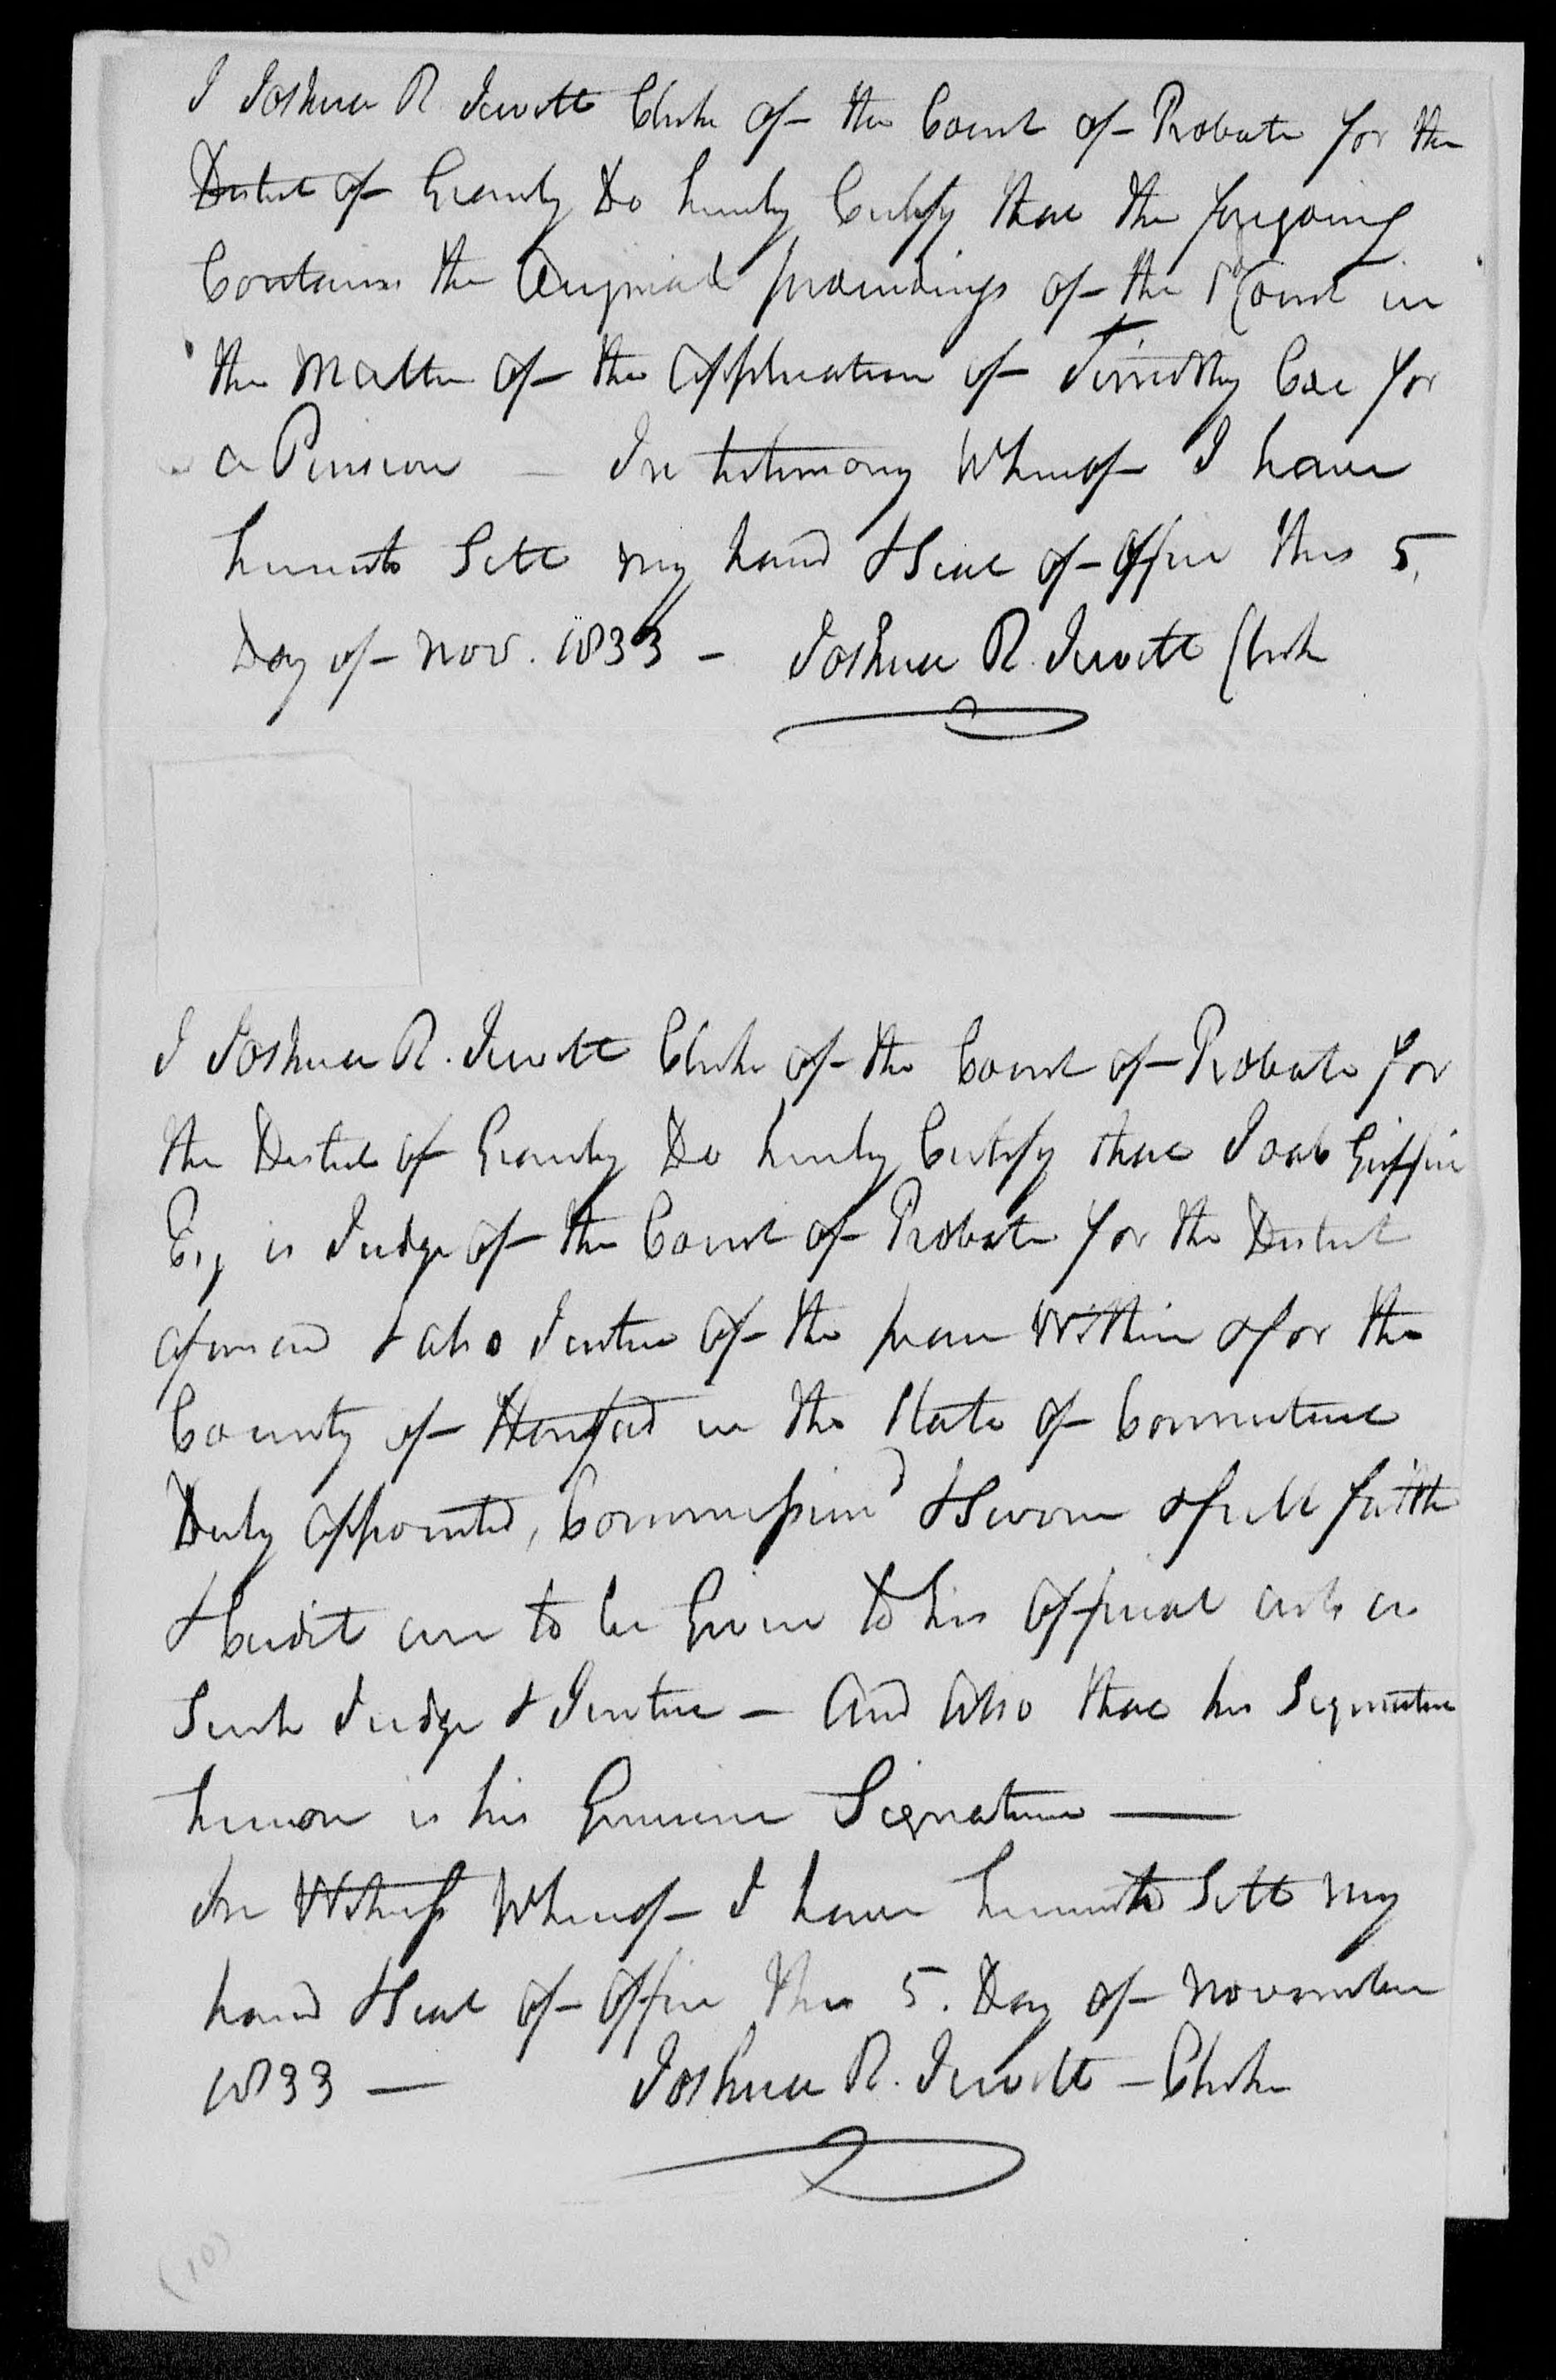I Joshua R Jewitt Clerk of the Court of Probate for the District of Granby do hereby certify that the foregoing contains the original proceedings of the Court in the matter of the application of Timothy Coe for a Pension. In testimony whereof I have hereunto set my hand & seal of office this 5 Day of Nov. 1833
Joshua R. Justice Clerk

I Joshua R Jewitt Clerk of the Court of Probate for the District of Granby do hereby certify that Joab Griffin Esq is a Judge of the Court of Probate for the District aforesaid & also Justice of the peace within & for the County of Hartford in the State of Connecticut duly appointed commissioned & sword & full faith & credit are to be given to this affidat into a Such Judge & Justice and who that his signature herein is his Genuine signature

In Witness whereof I have hereunto set my hand & seal of office this 4 day of November 1833

Joshua R. Jewitt Clerk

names: Joshua R Jewett, Timothy Coe, Joshua R Jewett, Joshua R Jewett, Joshua R Jewett, Joab Griffin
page: 44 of 76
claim: widow's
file: W. 5,250, Timothy Coe, Conn.